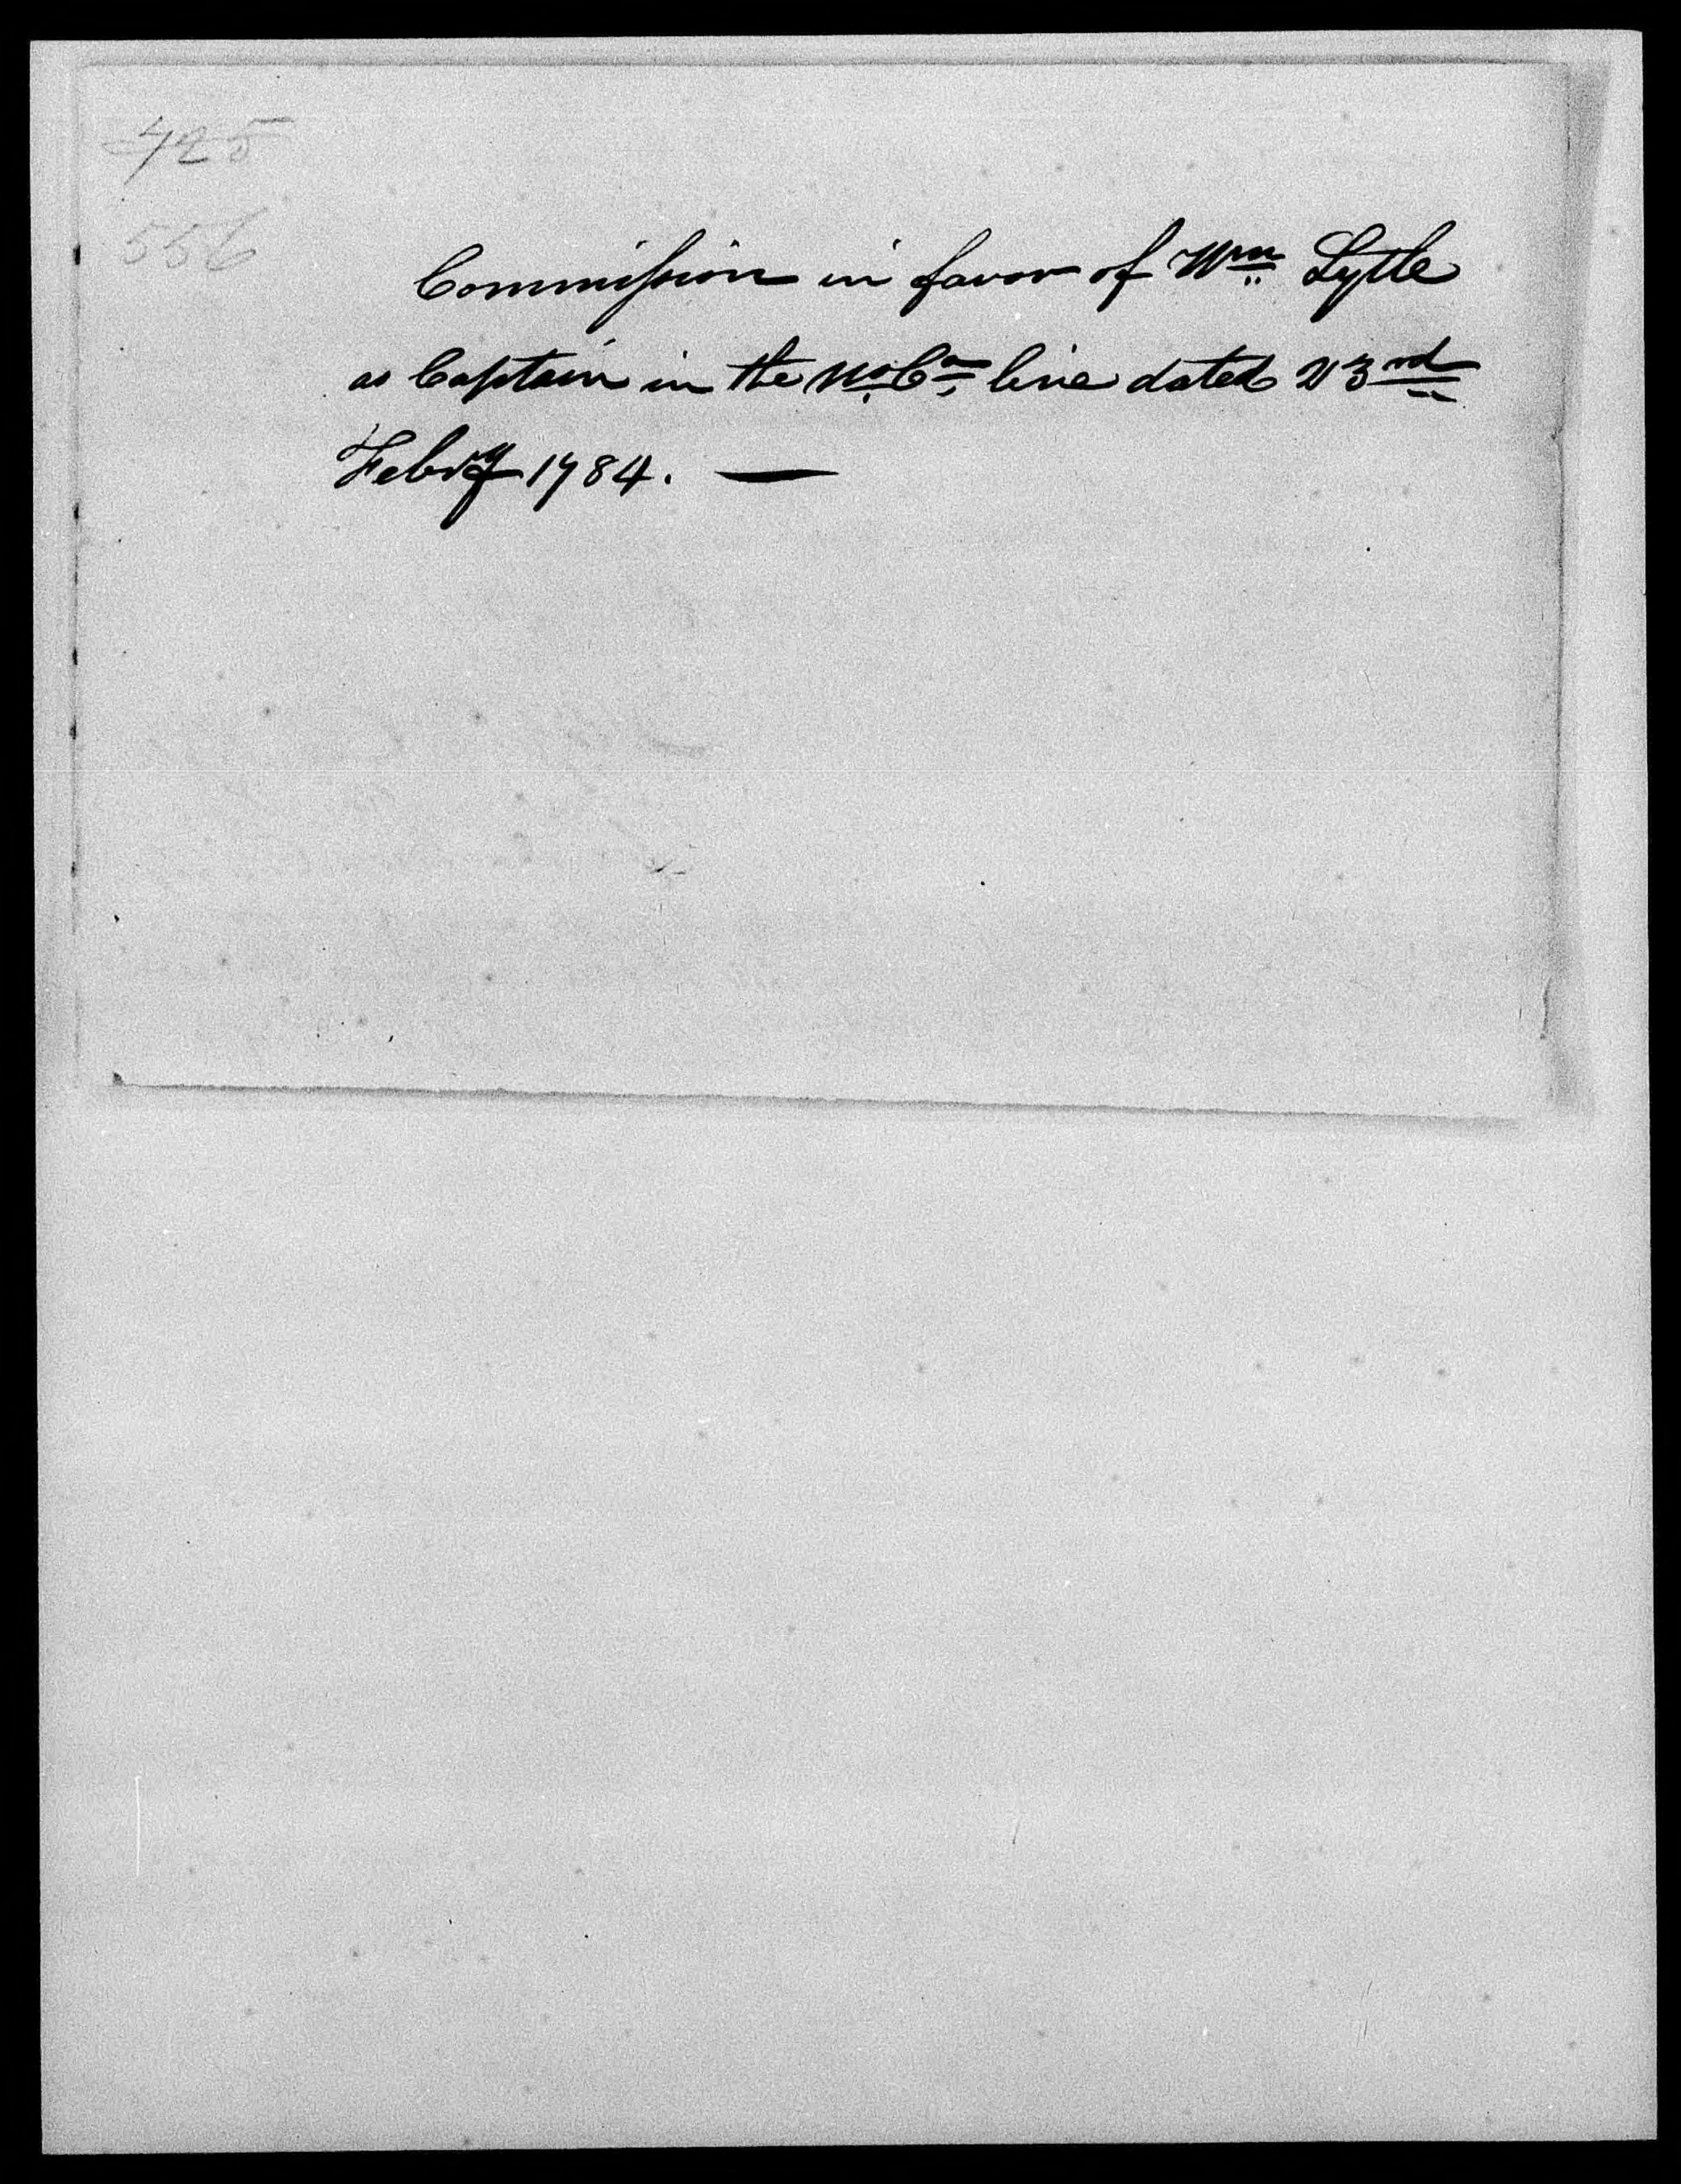725
556

Commission in favor of Wm Lytle
as Captain in the [illegible] line dated 23rd
Febry 1784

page: 10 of 24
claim: survivor's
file: S. 13810, for William Lytle, New York